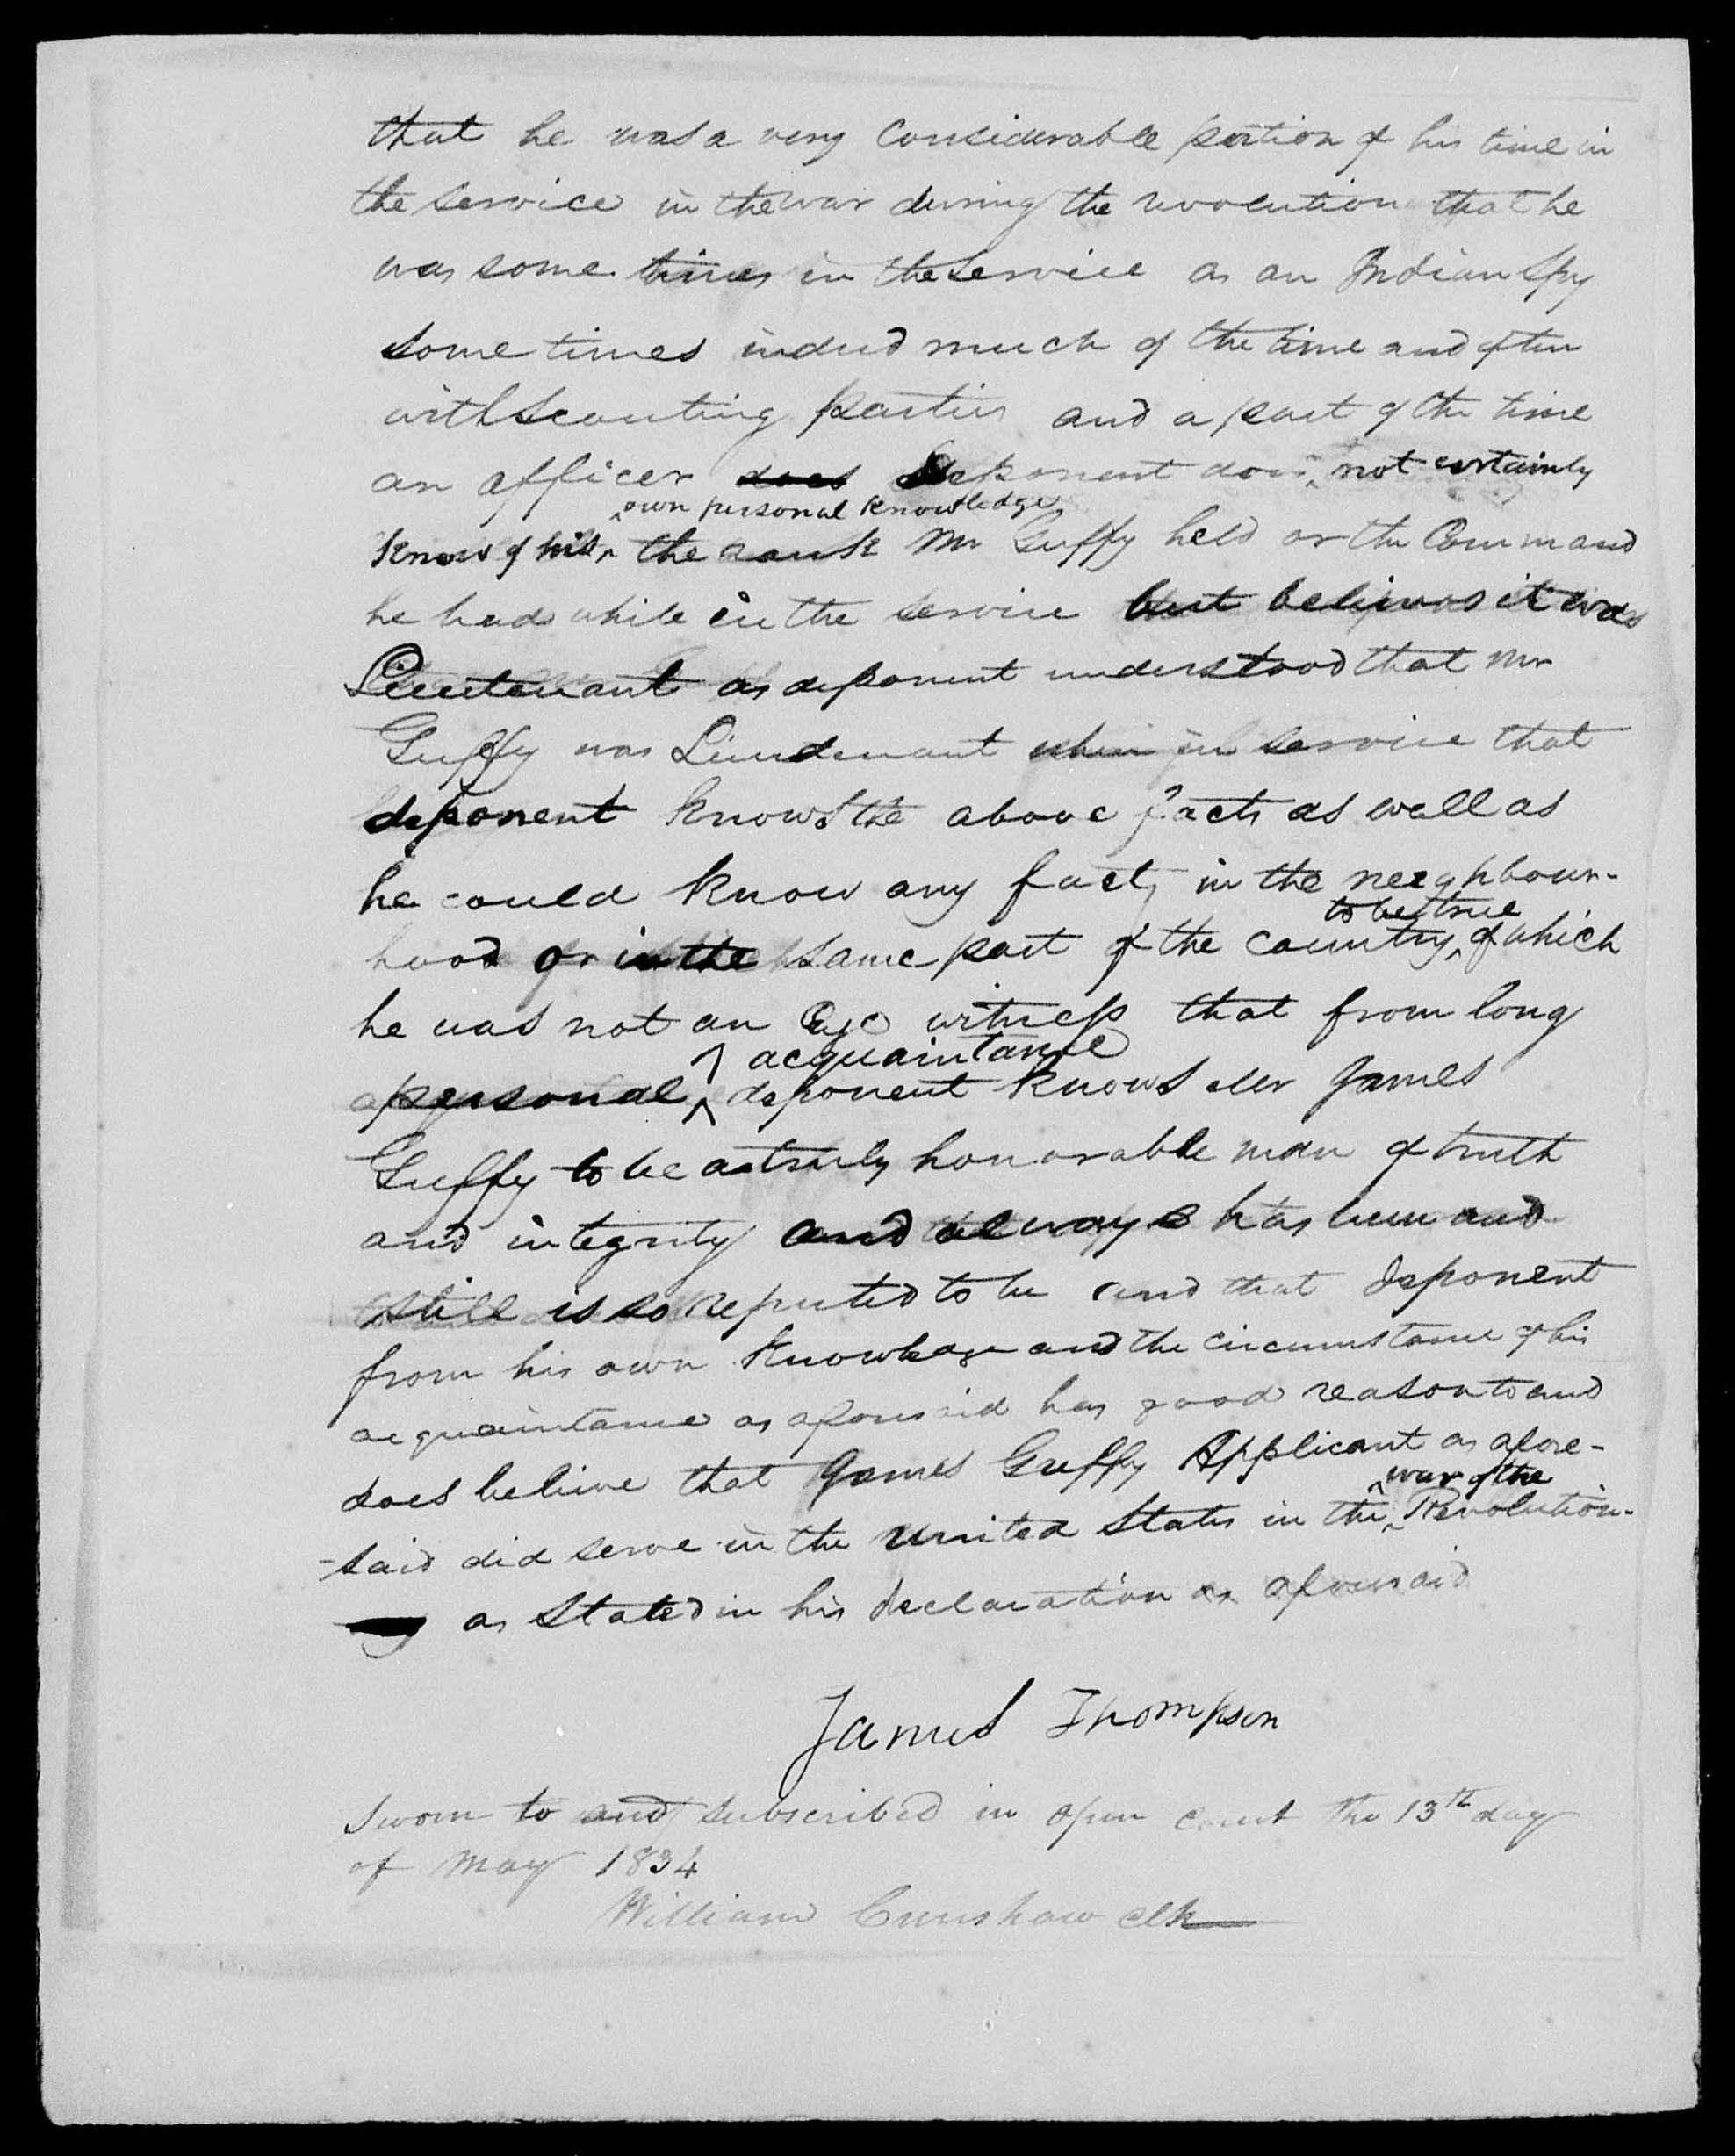that he was a very considerable portion of his time in the service in the war during the revolution that he was sometimes in the service as an Indian spy sometimes indeed much of the time and often with scouting parties and a part of the time an officer, deponent does not certainly know of ^ own personal knowledge the rank Mr. Guffy held or the command he had while in the service but believes it was Lieutenant as deponent understood that Mr. Guffy was Lieutenant when in service that deponent knows of the above fact in the neighbourhood or in the same part of the country to be true of which he was not an eye witness that from long personal acquaintance deponent knows Mr. James Guffy to be a truly honorable man of truth and integrity and always has been and still is so reputed to be and that deponent from his own knowledge and circumstance of his acquaintance as aforesaid has good reason to and does believe that James Guffy applicant as aforesaid did serve in the United States in the War of Revolution as stated in his declaration as aforesaid
James Thompson [signature]
Sworn to and subscribed in open court the 13th day of May 1834
William Crenshaw Clk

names: James Guffy, William Crenshaw, James Guffy, Guffy, James Thompson, Guffy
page: 36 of 36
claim: survivor's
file: S. 31,718, James Guffey, Penn.